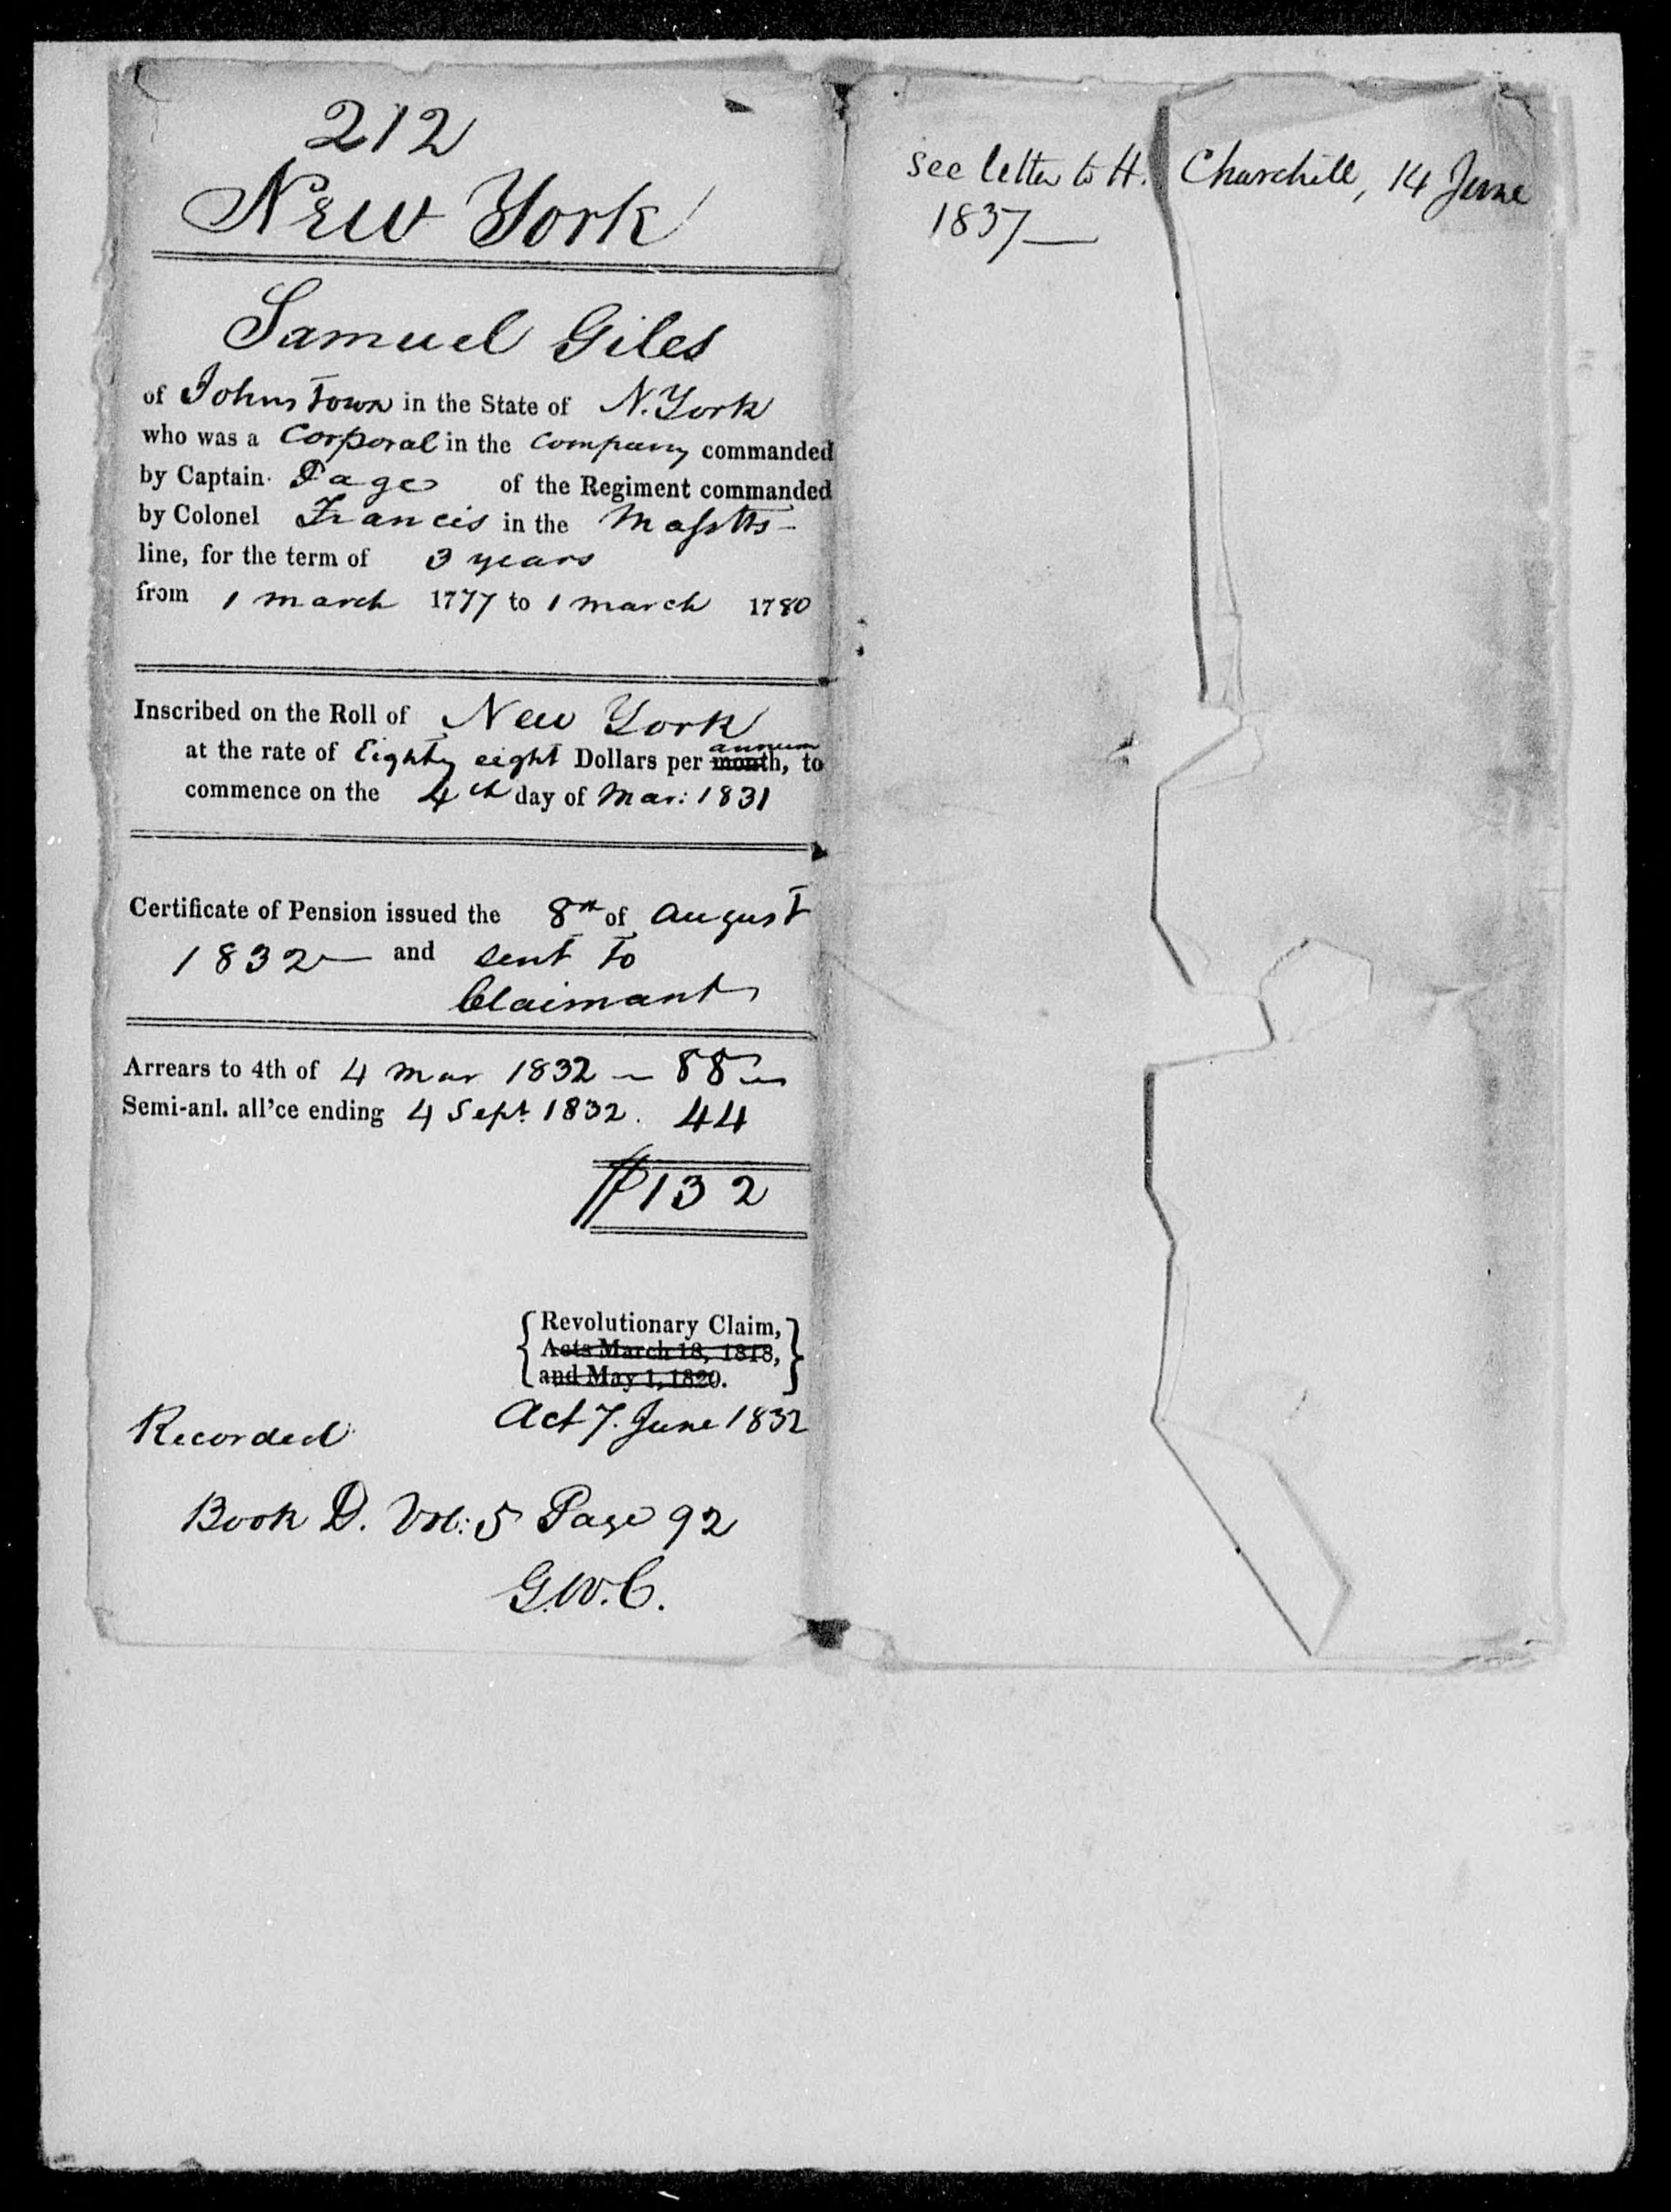212
New York
Samuel Giles
of John Fown in the State of N. York who was a corporal in the company commanded by Captain Page of the Regiment commanded by Colonel Francis in the [illegible] line, for the term of 3 years from 1 March 1777 to 1 March 1780.
Inscribed on the Roll of New York at the rate of eighty eight Dollars per annum to commence on the 4th day of Mar: 1831.
Certificate of Pension issued the 8th of august 1832 and sent to blaimant. 
Arrears to 4th of 4 Mar 1832 ~ 88 ~
Semi-ani. all'ce ending 4 Sept 1832. 44
132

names: Samuel Giles, Page, H Churchill, Francis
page: 2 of 55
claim: widow's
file: W. 19503, Samuel Giles, Conti. Mass. New York